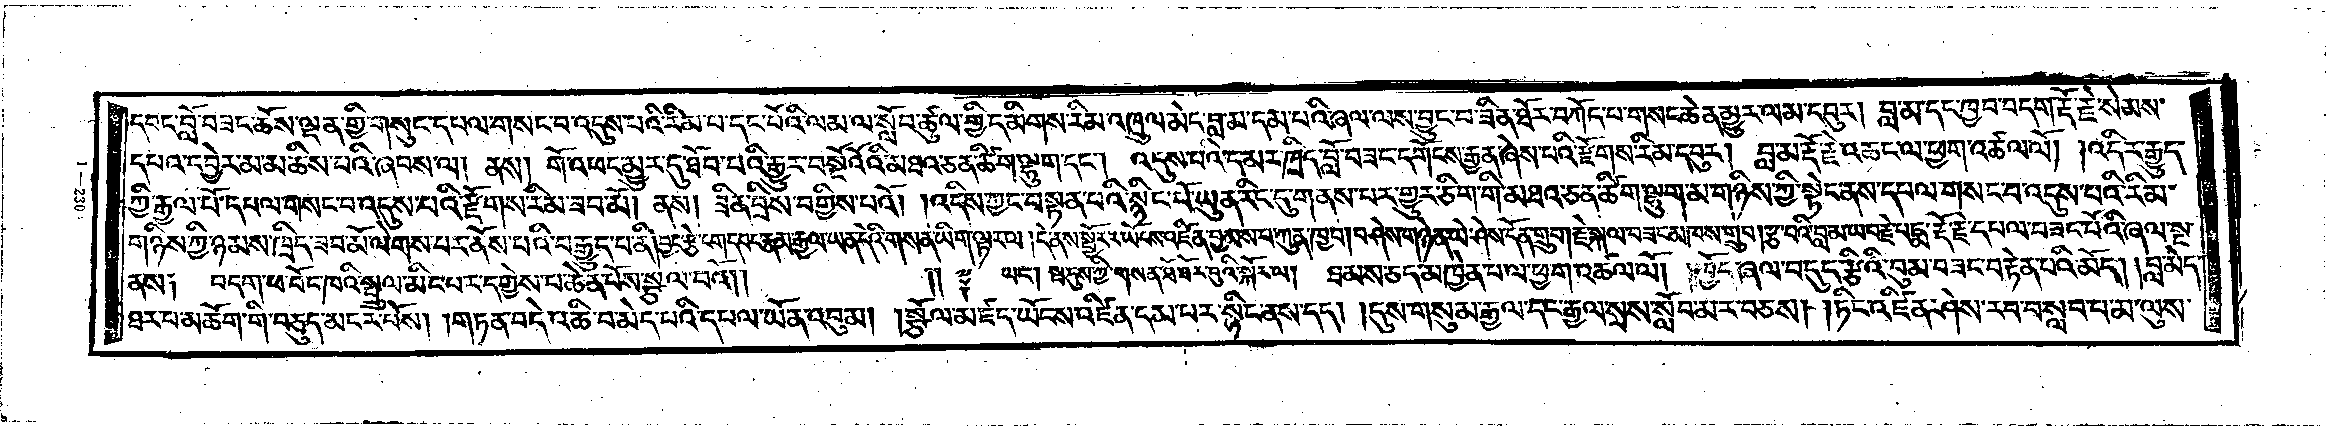དབང་བློ་བཟང་ཆོས་ལྡན་གྱི་གསུང་དཔལ་གསང་བ་འདུས་པའི་རིམ་པ་དང་པོའི་ལམ་ལ་སློབ་ཚུལ་གྱི་དམིགས་རིམ་འཁྲུལ་མེད་བླ་མ་དམ་པའི་ཞལ་ལས་བྱུང་བ་ཟིན་ཐོར་བཀོད་པ་གསང་ཆེན་མྱུར་ལམ་དབུར། བླ་མ་དང་ཁྱབ་བདག་རྡོ་རྗེ་སེམས་
དཔའ་དབྱེར་མ་མཆིས་པའི་ཞབས་ལ། ནས། གོ་འཕང་མྱུར་དུ་ཐོབ་པའི་རྒྱུར་བསྔོའོའི་མཐའ་ཅན་ཚིག་ལྷུག་དང་། འདུས་པའི་དམར་ཁྲིད་བློ་བཟང་དགོངས་རྒྱན་ཞེས་པའི་རྫོགས་རིམ་དབུར། བླ་མ་རྡོ་རྗེ་འཆང་ལ་ཕྱག་འཚལ་ལོ། །འདིར་རྒྱུད་
ཀྱི་རྒྱལ་པོ་དཔལ་གསང་བ་འདུས་པའི་རྫོགས་རིམ་ཟབ་མོ། ནས། ཟིན་བྲིས་བགྱིས་པའོ། །འདིས་ཀྱང་བསྟན་པའི་སྙིང་པོ་ཡུན་རིང་དུ་གནས་པར་གྱུར་ཅིག་གི་མཐའ་ཅན་ཚིག་ལྷུག་མ་གཉིས་ཀྱི་སྟེང་ནས་དཔལ་གསང་བ་འདུས་པའི་རིམ་
གཉིས་ཀྱི་ཉམས་ཁྲིད་ཟབ་མོ་ལེགས་པར་ནོས་པའི་བརྒྱུད་པ་ནི་།བྱང་རྩེ་ངག་དབང་རྣམ་རྒྱལ་ཡན་དེའི་གསན་ཡིག་ལྟར་ལ། དེ་ནས་སྦྱོར་ར་ཡོངས་འཛིན་བྱམས་པ་ཀུན་ཁྱབ་།བཤེས་གཉེན་ཡེ་ཤེས་དོན་གྲུབ་།རྗེ་སྐལ་བཟང་མཁས་གྲུབ་།རྩ་བའི་བླ་མ་ཡབ་རྗེ་པདམ་རྡོ་རྗེ་དཔལ་བཟང་པོའི་ཞལ་སྔ་
ནས༑ བདག་ཕ་བོང་ཁའི་སྤྲུལ་མིང་པར་དགྱེས་པ་ཆེན་པོས་སྩལ་བའོ།། །། འ་ཡང་། སྦ་དུས་ཀྱི་གསན་ཐོ་ཐོར་བུའི་སྐོར་ལ།  ཐམས་ཅད་མཁྱེན་པ་ལ་ཕྱག་འཚལ་ལོ། །ཁྱོད་ཞལ་བདུད་རྩིའི་བུམ་བཟང་བརྟེན་པའི་མོད། །བླ་མེད་
ཐར་པ་མཆོག་གི་བཅུད་མངར་པོས། །གཏན་བདེ་འཆི་བ་མེད་པའི་དཔལ་ཡོན་འབུམ། །སྩོལ་མཛད་ཡོངས་འཛིན་དམ་པར་སྙིང་ནས་དད། །དུས་གསུམ་རྒྱལ་དང་རྒྱལ་སྲས་སློབ་མར་བཅས། །ཏིང་འཛིན་ཤེས་རབ་བསླབ་པ་མ་ལུས་